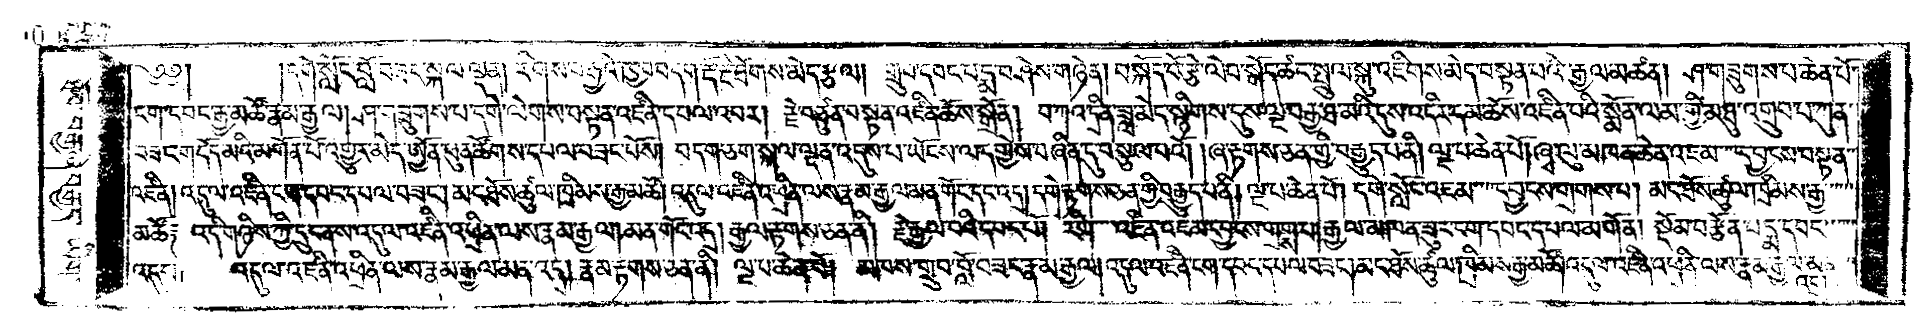༄༅། །དགེ་སློང་བློ་བཟང་སྐལ་ལྡན། རིགས་བརྒྱའི་ཁྱབ་བདག་རྡོ་རྗེ་ཐོགས་མེད་རྩལ། གྲུབ་དབང་པདམ་བཤེས་གཉེན། བསྐོད་པོ་རྩེ་ལེབ་སྒོད་ཚང་སྤྲུལ་སྐུ་འཇིགས་མེད་བསྟན་པའི་རྒྱལ་མཚན། ཤ་གཟུགས་པ་ཆེན་པོ་
ངག་དབང་རྒྱ་མཚོ་རྣམ་རྒྱལ། ཤ་གཟུགས་པ་དགེ་ལེགས་བསྟན་འཛིན་དཔལ་འབར། རྗེ་བཙུན་བསྟན་འཛིན་ཆོས་སྒྲོན། བཀའ་དྲིན་ཟླ་མེད་སྙིགས་དུས་ལྔ་བརྒྱ་ཐ་མའི་དུས་འདིར་དམ་ཆོས་འཛིན་པའི་སྨོན་ལམ་གྱི་མཐུ་འགྲུབ་པ་ཀུན་
བཟང་གདོད་མའི་མགོན་པོ་འགྱུར་མེད་ཨཡོན་ཕུན་ཚོགས་དཔལ་བཟང་པོས། བདག་ཅག་སྐལ་ལྡན་འདུས་པ་ཡོངས་ལ་དགྱེས་བཞིན་དུ་བསྩལ་བའོ། །ཞ་རྟགས་ཅན་གྱི་བརྒྱུད་པ་ནི། ལྔ་པ་ཆེན་པོ། ཞྭ་ལུ་མཁན་ཆེན་འཇམ་དབྱངས་བསྟན་
འཛིན། འདུལ་འཛིན་ངག་དབང་དཔལ་བཟང་། མང་ཐོས་ཚུལ་ཁྲིམས་རྒྱ་མཚོ། འདུལ་འཛིན་འཕྲིན་ལས་རྣམ་རྒྱལ་མན་གོང་དང་འདྲ། དགེ་རྟགས་ཅན་གྱི་བརྒྱུད་པ་ནི། ལྔ་པ་ཆེན་པོ། དགེ་སློང་འཇམ་དབྱངས་གྲགས་པ། མང་ཐོས་ཚུལ་ཁྲིམས་རྒྱ་
མཚོ༑ འདི་གཉིས་ཀྱི་དྲུང་ནས་འདུལ་འཛིན་འཕྲིན་ལས་རྣམ་རྒྱལ། མན་གོང་འདྲ། རྒྱལ་རྟགས་ཅན་ནི། རྗེ་རྒྱལ་བའི་དབང་པོ། རིག་འཛིན་འཇམ་དབྱངས་གྲགས་པ། རྒྱལ་མཁན་ཟུང་ངག་དབང་དཔལ་མགོན། སྡོམ་བརྩོན་པདམ་དབང་
འདུས། འདུལ་འཛིན་འཕྲིན་ལས་རྣམ་རྒྱལ་མན་འདྲ། རྣམ་རྟགས་ཅན་ནི། ལྔ་པ་ཆེན་པོ། མཁས་གྲུབ་བློ་བཟང་རྣམ་རྒྱལ། འདུལ་འཛིན་ངག་དབང་དཔལ་བཟང་། མང་ཐོས་ཚུལ་ཁྲིམས་རྒྱ་མཚོ། འདུལ་འཛིན་འཕྲིན་ལས་རྣམ་རྒྱལ་མན་འདྲ།